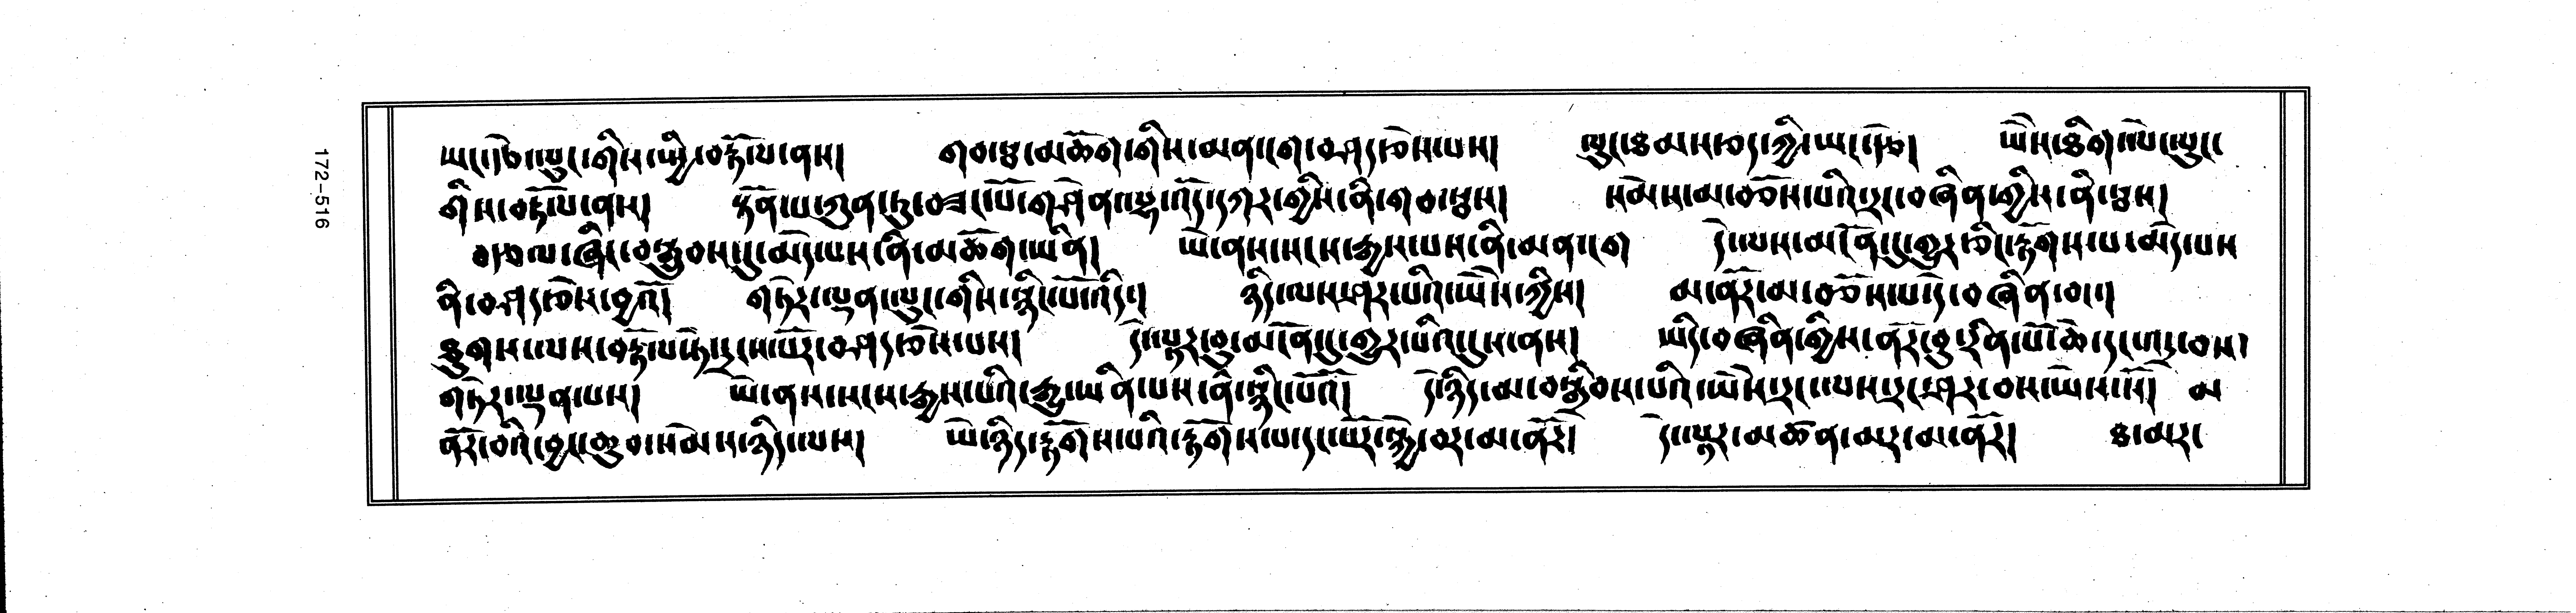ཡང་རྩེ་ལུང་གི་སྤྱི་བརྟོལ་ནས། གབ་སྦ་མཆོག་གིས་མན་ངག་བཤད་ཅེས་པས། ལུང་ཐམས་ཅད་ཀྱི་ཡང་རྩེ། ཡེ་ཤེས་ཐིག་ལེ་ལུང་
གིས་བརྟོལ་ནས། སྟོན་པ་ཀུན་ཏུ་བཟང་པོ་གཤེན་ལྷ་འོད་དཀར་གྱིས་ནི་གབ་སྦས། སེམས་མ་བཅོས་པའི་རང་བཞིན་གྱིས་ནི་སྦས། 
བརྩལ་ཞིང་བསྒྲུབས་དུ་མེད་པས་ནི་མཆོག་ཡིན། ཡེ་ནས་སངས་རྒྱས་པས་ན་མན་ངག དེ་ལས་མངོན་དུ་གྱུར་ཅིང་རྟོགས་པ་མེད་པས་
ནི་བཤད་ཅེས་བྱའོ། གཏེར་ལྡན་ལུང་གིས་སྙིང་པོ་འདི། ཉིད་ལས་ཤར་པའི་ཡེ་ཤེས་ཀྱིས། མ་ནོར་མ་བཅོས་པ་དེ་བཞིན་བང་། 
ཐུགས་ལས་བརྟོལ་ཏེ་དྲང་པོར་བཤད་ཅེས་པས། དེ་ལྟ་བུ་མངོན་དུ་གྱུར་པའི་དུས་ནས། ཡིད་བཞིན་གྱིས་ནོར་བུ་རིན་པོ་ཆེ་དང་འདྲ་བས་
གཏེར་ལྡན་པས། ཡེ་ནས་སངས་རྒྱས་པའི་རྒྱུ་ཡིན་པས་ནི་སྙིང་པོའོ། དེ་ཉིད་མ་བསྒྲིབས་པའི་ཡེ་ཤེས་རང་ལས་རང་ཤར་བས་ཡེ་ཤེས་སོ། མ་
ནོར་བའི་བྱང་ཆུབ་སེམས་ཉིད་ལས། ཡེ་ཉིད་རྟོགས་པའི་རྟོགས་པ་དང་པོར་སྐྱེ་བར་མ་ནོར། དེ་ལྟར་མཚན་མར་མ་ནོར། ཐ་མར་